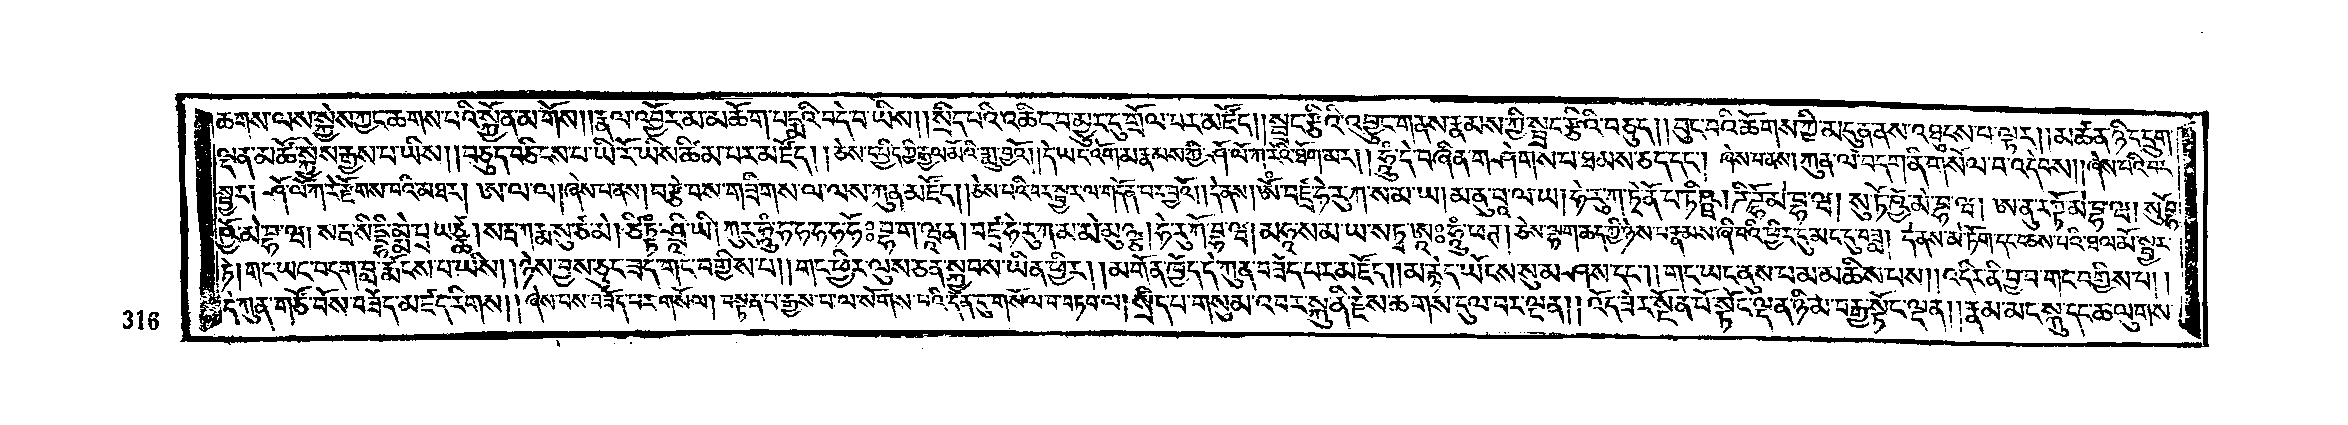ཆགས་ལས་སྐྱེས་ཀྱང་ཆགས་པའི་སྐྱོན་མགོས། །རྣལ་འབྱོར་མ་མཆོག་པདམའི་བདེ་བ་ཡིས། །སྲིད་པའི་འཆིང་བ་མྱུར་དུ་གྲོལ་བར་མཛོད། །སྦྲང་རྩིའི་འབྱུང་གནས་རྣམས་ཀྱི་སྦྲང་རྩིའི་བཅུད། །བུང་བའི་ཆོགས་ཀྱི་མདུན་ནས་འཐུངས་པ་ལྟར། །མཚན་ཉིད་དུག་
ལྡན་མཆོ་སྐྱེས་རྒྱས་པ་ཡིས། །བཅུད་བཅིངས་པ་ཡི་རོ་ཡིས་ཚིམ་པར་མཛོད། །ཅེས་དཔྱིད་ཀྱི་རྒྱལ་མོའི་གླུ་བྱའོ། །དེ་ཡང་འོག་མ་རྣམས་ཀྱི་ཤོ་ལོ་ཀ་རེའི་ཐོག་མར། །ཧཱུཾ་དེ་བཞིན་གཤེགས་པ་ཐམས་ཅད་དང་། ཞེས་པ་ནས། ཀུན་ལ་བདག་ནི་གསོལ་བ་འདེབས། །ཞེས་པའི་བར་
སྦྱར། ཤོ་ལོ་ཀ་རེ་རྫོགས་པའི་མཐར། ཨ་ལ་ལ། ཞེས་པ་ནས། བརྩེ་བས་གཟིགས་ལ་ལས་ཀུན་མཛོད། ། ཅེས་པའི་བར་སྦྱར་ལ་གདོན་པར་བྱའོ། །དེ་ནས་ཨོཾ་བཛྲ་ཧེ་རུ་ཀ་ས་མ་ཡ། མ་ནུ་པཱ་ལ་ཡ། ཧེ་རུ་ཀ་ཏྭེ་ནོ་པ་ཏིཥཊཿཨ། ཌི་ཌྡོ་མེ་བྷ་ཝ། སུ་ཏོ་ཤྱོ་མེ་བྷ་ཝ། ཨ་ནུ་ར་ཀྟོ་མེ་བྷ་ཝ། སུ་བྷོ་
ཤྱོ་མེ་བྷ་ཝ། སརྦ་སིདྡྷི་མྨེ་པྲ་ཡཙྪ། སརྦ་ཀརྨ་སུ་ཙ་མེ། ཙེ་ཏྟཾ་ཤྲཱི་ཡི། ཀུ་རུ་ཧཱུཾ་ཧ་ཧ་ཧ་ཧ་ཧོཿ བྷ་ག་ཝཱ་ན། བཛྲ་ཧེ་རུ་ཀ་མ་མེ་མུ་ཉྩ། ཧེ་རུ་ཀོ་བྷ་ཝ། མཧཱ་ས་མ་ཡ་སྟྭ་ཨཱཿ ཧཱུཾ་ཕཊ། ཅེས་ལྷག་ཆད་ཀྱི་ཉེས་པ་རྣམས་ཞི་བའི་ཕྱིར་དུ་མང་དུ་བཟླ། དེ་ནས་མེ་ཏོག་དང་བཅས་པའི་ཐལ་མོ་སྦྱར
ཏེ། གང་ཡང་བདག་བླ་རྨོངས་པ་ཡིས། །ཉེས་བྱས་ཅུང་ཟད་གང་བགྱིས་པ། །གང་ཕྱིར་ལུས་ཅན་སྐྱབས་ཡིན་ཕྱིར། །མགོན་ཁྱོད་དེ་ཀུན་བཟོད་པར་མཛོད། །མ་རྙེད་ཡོངས་སུ་མྴས་དང་། །གང་ཡང་ནུས་པ་མ་མཆིས་པས། །འདིར་ནི་བྱ་བ་གང་བགྱིས་པ། །
དེ་ཀུན་གཙོ་བེས་བཟོད་བྫད་རིགས། ། ཞེས་པས་བཟོད་པར་གསོལ། བསྟན་པ་རྒྱས་པ་ལ་སོགས་པའི་དོན་དུ་གསོལ་བ་བཏབ་ལ། སྲིད་པ་གསུམ་འབར་སྐུ་ནི་རྗེས་ཆགས་དུལ་བར་ལྡན། །འོད་ཟེར་སྔོན་པོ་སྟོང་ལྡན་ཉི་མ་བརྒྱ་སྟོང་ལྡན། །རྣམ་མང་སྐུ་དང་ཆ་ལུགས་